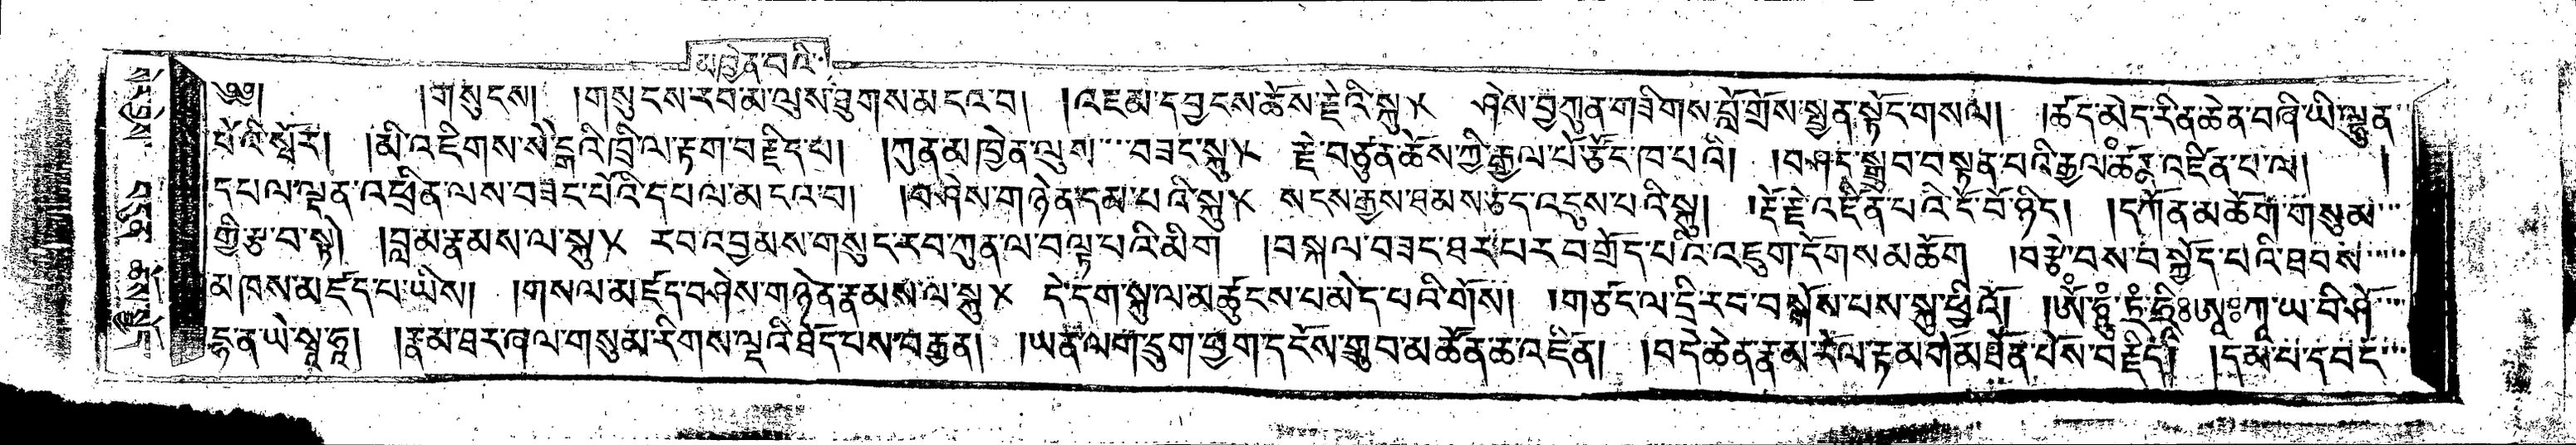༄༅། །གསུངས། །གསུངས་རབ་མ་ལུས་མཁྱེན་བའི་ཐུགས་མངའ་བ། །འཇམ་དབྱངས་ཆོས་རྗེའི་སྐུ་{྾}་ཤེས་བྱ་ཀུན་གཟིགས་བློ་གྲོས་སྤྱན་སྟོང་གསལ། །ཚད་མེད་རིན་ཆེན་བཞི་ཡི་ལྷུན་
པོའི་སྤོར། །མི་འཇིགས་སེངྒེའི་ཁྲི་ལ་རྟག་བརྗིད་པ། །ཀུན་མཁྱེན་ལུས་བཟང་སྐུ་{྾}་རྗེ་བཙུན་ཆོས་ཀྱི་རྒྱལ་པོ་ཙོང་ཁ་པའི། །བཤད་སྒྲུབ་བསྟན་པའི་རྒྱལ་མཚན་འཛིན་པ་ལ། །
དཔལ་ལྡན་འཕྲིན་ལས་བཟང་པོའི་དཔལ་མངའ་བ། །བཤེས་གཉེན་དམ་པའི་སྐུ་{྾}་སངས་རྒྱས་ཐམས་ཅད་འདུས་པའི་སྐུ། །རྡོ་རྗེ་འཛིན་པའི་ངོ་བོ་ཉིད། །དཀོན་མཆོག་གསུམ་
གྱི་རྩ་བ་སྟེ། །བླ་མ་རྣམས་ལ་སྐུ་{྾}་རབ་འབྱམས་གསུང་རབ་ཀུན་ལ་བལྟ་པའི་མིག །བསྐལ་བཟང་ཐར་པར་བགྲོད་པའི་འཇུག་དོགས་མཆོག །བརྩེ་བས་བསྐྱོད་པའི་ཐབས་
མཁས་མཛད་པ་ཡིས། །གསལ་མཛད་བཤེས་གཉེན་རྣམས་ལ་སྐུ་{྾}་དེ་དག་སྐུ་ལ་མཚུངས་པ་མེད་པའི་གོས། །གཙང་ལ་དྲི་རབ་བསྒོས་པས་སྐུ་ཕྱིའོ། །ཨོཾ་ཧཱུཾ་ཏྲཾ་ཧྲཱིཿ ཨཱཿ ཀཱ་ཡ་བི་ཤོ་
དྷ་ན་ཡེ་སྭཱ་ཧཱ། །རྣམ་ཐར་ཞལ་གསུམ་རིགས་ལྔའི་ཐོད་པས་བརྒྱན། །ཡན་ལག་དྲུག་ཕྱག་དངོས་གྲུབ་མཚོན་ཆ་འཛིན། །བདེ་ཆེན་རྣམ་རོལ་རྟ་མགོ་མཐོན་པོས་བརྗིད། །དམ་པ་དབང་